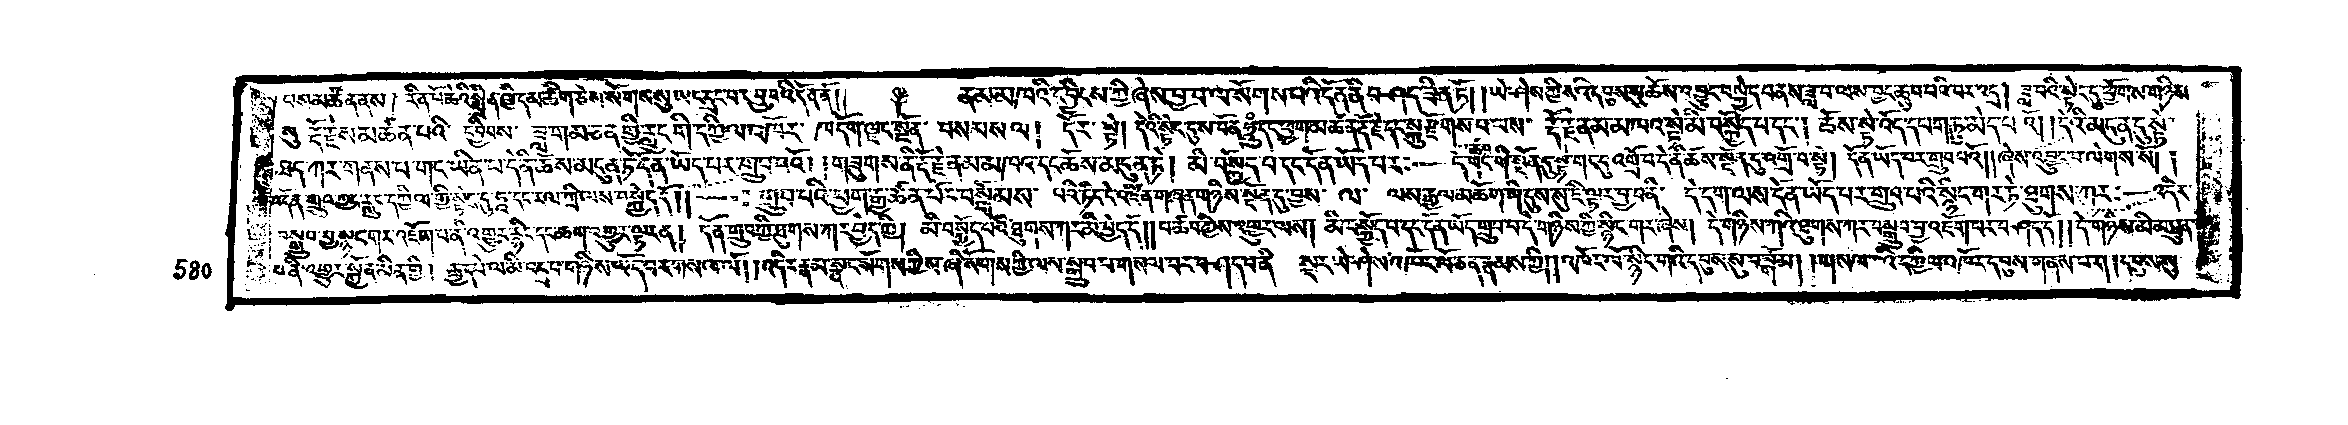པས་མཚོན་ནས། རིན་པོ་ཆེའི་སྲིན་གྱི་དམ་ཚིག་ཅེས་སོགས་སུ་ཡང་དྲང་བར་བྱ་བའི་དོན་ནོ།། ༈ ནམ་མཁའི་དབྱིངས་ཀྱི་ཞེས་བྱ་བ་ལ་སོགས་པའི་དོན་ནི་བཤད་ཟིན་ཏོ། །ཡེ་ཤེས་ཀྱི་སའི་དབུས་སུ་ཆོས་འབྱུང་བསྐྱེད་པ་ནས་ཟླ་བ་ལས་བྱང་ཆུབ་པའི་བར་འདྲ། ཟླ་བའི་སྟེང་དུ་ཕྱོགས་གཉིས་
སུ་རྡོ་རྗེས་མཚན་པའི་དབྱིབས་ཟླ་གམ་ཅན་གྱི་རླུང་གི་དཀྱིལ་འཁོར་ཁ་དོག་ལྗད་སྔོན་བསམས་ལ། དེར་སྟེ། དེའི་སྟེང་དུ་ས་བོན་ཧཱུཾ་དང་ཕྱག་མཚན་རྡོ་རྗེ་དང་སྐུ་རྫོགས་པ་ལས་རྡོ་རྗེ་ནམ་མཁའ་སྟེ་མི་བསྐྱོད་པ་དང་། ཆོས་སྟེ་འོད་དཔག་ཏུ་མེད་པའོ། །དེའི་མདུན་དུ་སྟེ་
ཐད་ཀར་གནས་པ་གང་ཡིན་པ་དེ་ནི་ཆོས་མདུན་ཏེ་དོན་ཡོད་པར་གྲུབ་པའོ། །གཟུགས་ནི་རྡོ་རྗེ་ནམ་མཁའ་དང་ཆོས་མདུན་ཏེ། མི་བསྐྱོད་པ་དང་དོན་ཡོད་པར་ཕ་ཚབ་དེ་གང་གི་སྔོན་དུ་སྟེ་གང་དུ་འགྲོ་བ་དེ་ནི་ཆོས་སྔོན་དུ་འགྲོ་བ་སྟེ། དོན་ཡོད་པར་གྲུབ་པའོ། །ཞེས་འབྱུང་བ་ལེགས་སོ། །
དོན་གྲུབ་ཀྱང་རླུང་དཀྱིལ་གྱི་སྟེང་དུ་ཧཱ་དང་རལ་གྲི་ལས་བསྐྱེད་དོ།། གྲུབ་པའི་ཕྱག་རྒྱ་ཆེན་པོར་བསྒོམས་པའི་ཏིང་ངེ་འཛིན་གཞན་གཉིས་སྔོན་དུ་བྱས་ལ་ལས་རྒྱལ་མཆོག་གི་དུས་སུ་ཇི་ལྟར་བྱ་བ་ནི་དེ་དག་ལས་དོན་ཡོད་པར་གྲུབ་པའི་སྙིང་གར་ཏེ་ཐུགས་ཀར་H.་འདིར་
བསྒྲུབ་བྱ་སྙིང་གར་འཇོག་པ་ནི་འགྱུར་རྙིང་དང་ཆག་འགྱུར་ལྟར་ན། དོན་གྲུབ་ཀྱི་ཐུགས་ཀར་བྱེད་ཀྱི། མི་བསྐྱོད་པའི་ཐུགས་ཀར་མི་བྱེད་དོ། །པ་ཚབ་ཀྱིས་འགྱུར་ལས། མི་བསྐྱོད་པ་དང་དོན་ཡོད་གྲུབ་པ་དེ་གཉིས་ཀྱི་སྙིང་གར་ཞེས། དེ་གཉིས་ཀའི་ཐུགས་ཀར་བསྒྲུབ་བྱ་འཇོག་པར་བཤད་དོ། །དེ་གཉིས་མི་མཐུན་
པ་ནི་འགྱུར་སྐྱོན་མིན་གྱི། རྒྱ་དཔེ་ལ་མི་འདྲ་བ་གཉིས་ཡོད་པར་གསལ་ལོ། །འདིར་རྣམ་སྣང་སོགས་ཀྱིས་ཞི་སོགས་ཀྱི་ལས་སྒྲུབ་པ་གསལ་བར་བཤད་པ་ནི་སྔར་ཡེ་ཤེས་འཁོར་ལོ་ཅན་རྣམས་ཀྱི། །འཁོར་ལོ་སྙིང་གའི་དབུས་སུ་བསྒོམ། །གསལ་འི་དཀྱིལ་འཁོར་དབུས་གནས་པར། །དབུས་སུ་